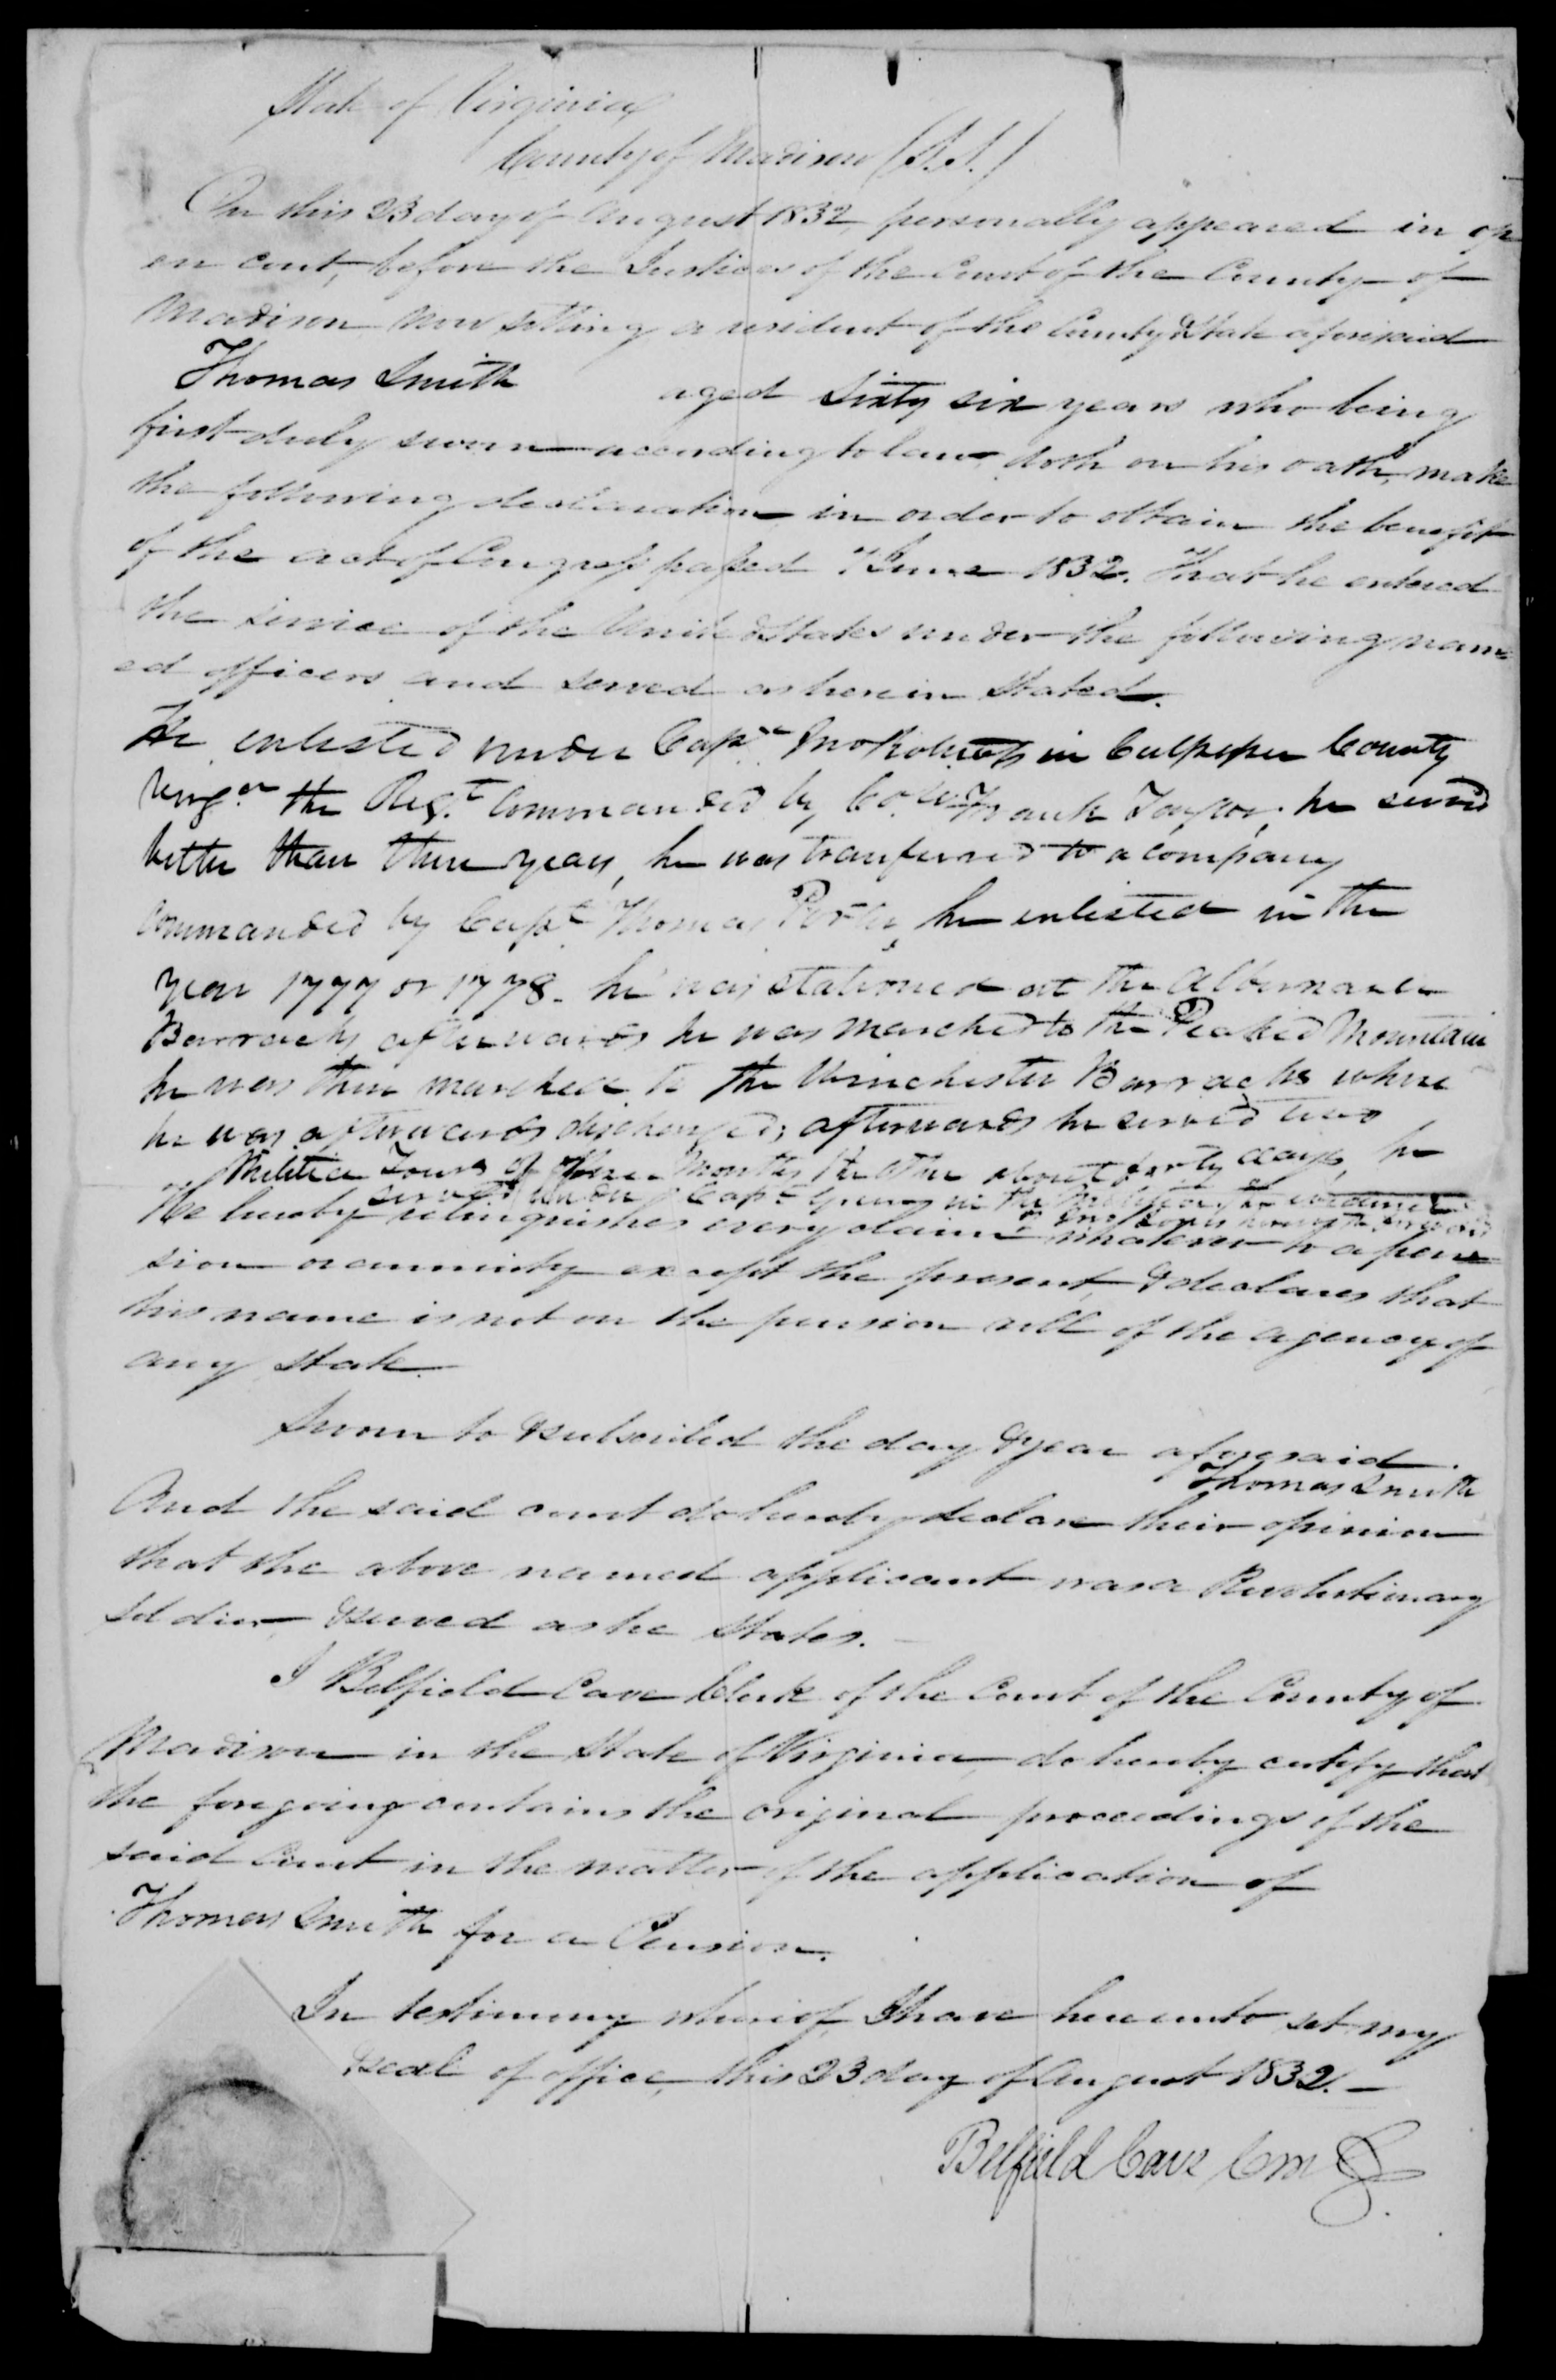State of Virginia County of Madison (US)
On this 25 day of August 1832 personally appeared in open court, before the Justices of the Court of the County Madison now sitting a resident of the County State aforesaid Thomas Smith aged sixty six years who being duly sworn according to law doth on his oath, make following declaration in order to obtain the benefit of the act of Congress passed June 1832. That he entered the service of the United States under the following named officers and served as herein stated. He enlisted under Capt Jon Roberts in Culpeper County under the Regt commanded by Col Frank Taylor, he served better than three years, he was tranferred to a company commanded by Capt Thomas Porter, he enlisted in the in 1777 or 1778. He was stationed at the Alberman Barracks afterwards he was marched to the Peaked Mountain was then marched to the Winchester Barracks where was afterwards discharged; afterwards he served two Militia tours of four months and then about forty days, he served under Capt Young in the militia he informed. He hereby relinquishes every claim that his is not on the pension roll of the agency of any state. 
Sworn to subscribed the day & year aforesaid. Thomas Smith.
And said Court aforesaid declare their opinion that above named applicant was a Revolutionary Soldier served as he states.
I Belfield Cave, Clerk of the Court of the County of Madison in the State of Virginia do hereby certify that foregoing contains the original proceedings of the said court in the matter of the application of Thomas Smith for a Pension. In testimony whereof I have hereunto set my seal of office this 23 day of August 1832- Belfield Cave (illegible)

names: Jno Roberts; Thomas Porter; Frank Taylor; Thomas Smith; Belfield Cave; Thomas Smith; Belfield Cave; Thomas Smith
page: 4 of 23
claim: survivor's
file: S. 6,125, for Thomas Smith, Virginia